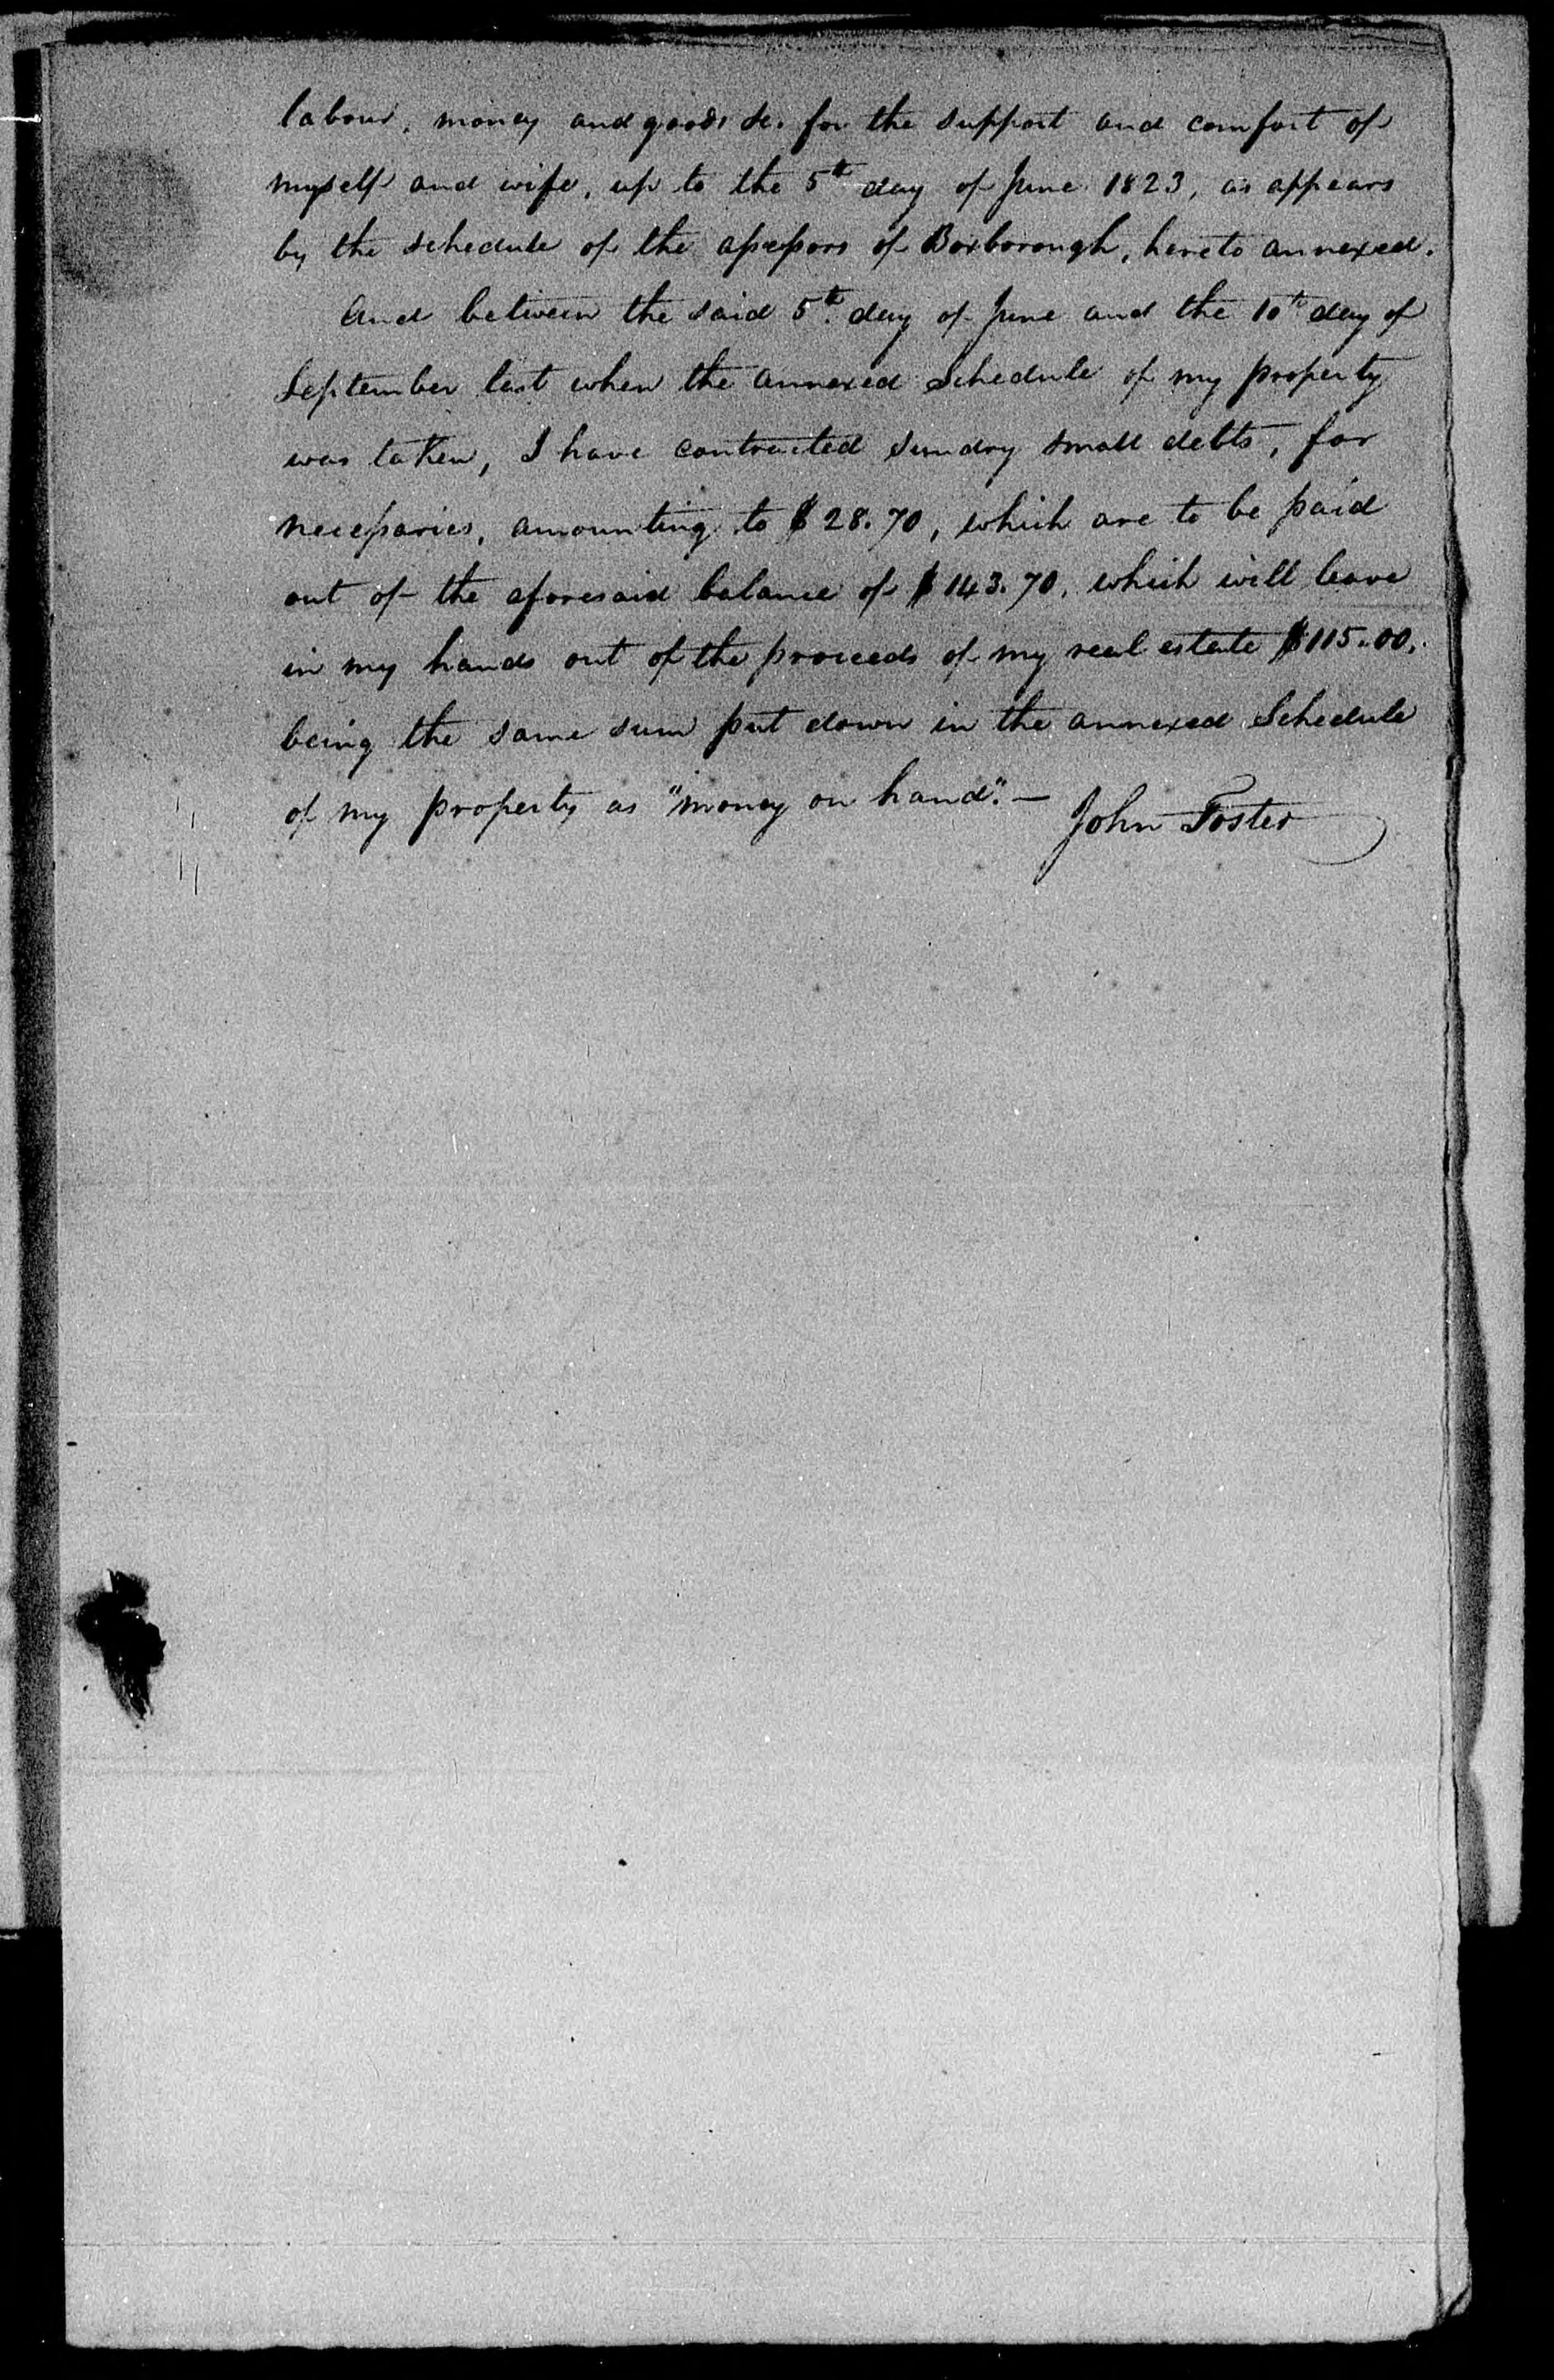labour, money and goods etc for the support and comfort of myself and wife up to the 5th day of June 1823 as appears by the schedule of the assessors of Boxborough hereto annexed and between the said 5th day of June and the 10th day of September last when the annexed Schedule of my property was taken, I have contracted sundry small debts for necessesaries amounting to $28.70 which are to be paid out of the aforesaid balance of $143.70 which will leave in my hands out of the proceeds of my real estate $115.00 being the same sun put down in the annexed schedule of my property as "money on hand." John Foster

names: John Foster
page: 26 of 47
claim: widow's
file: W. 7,302, John Foster, Continental Mass. R.I.